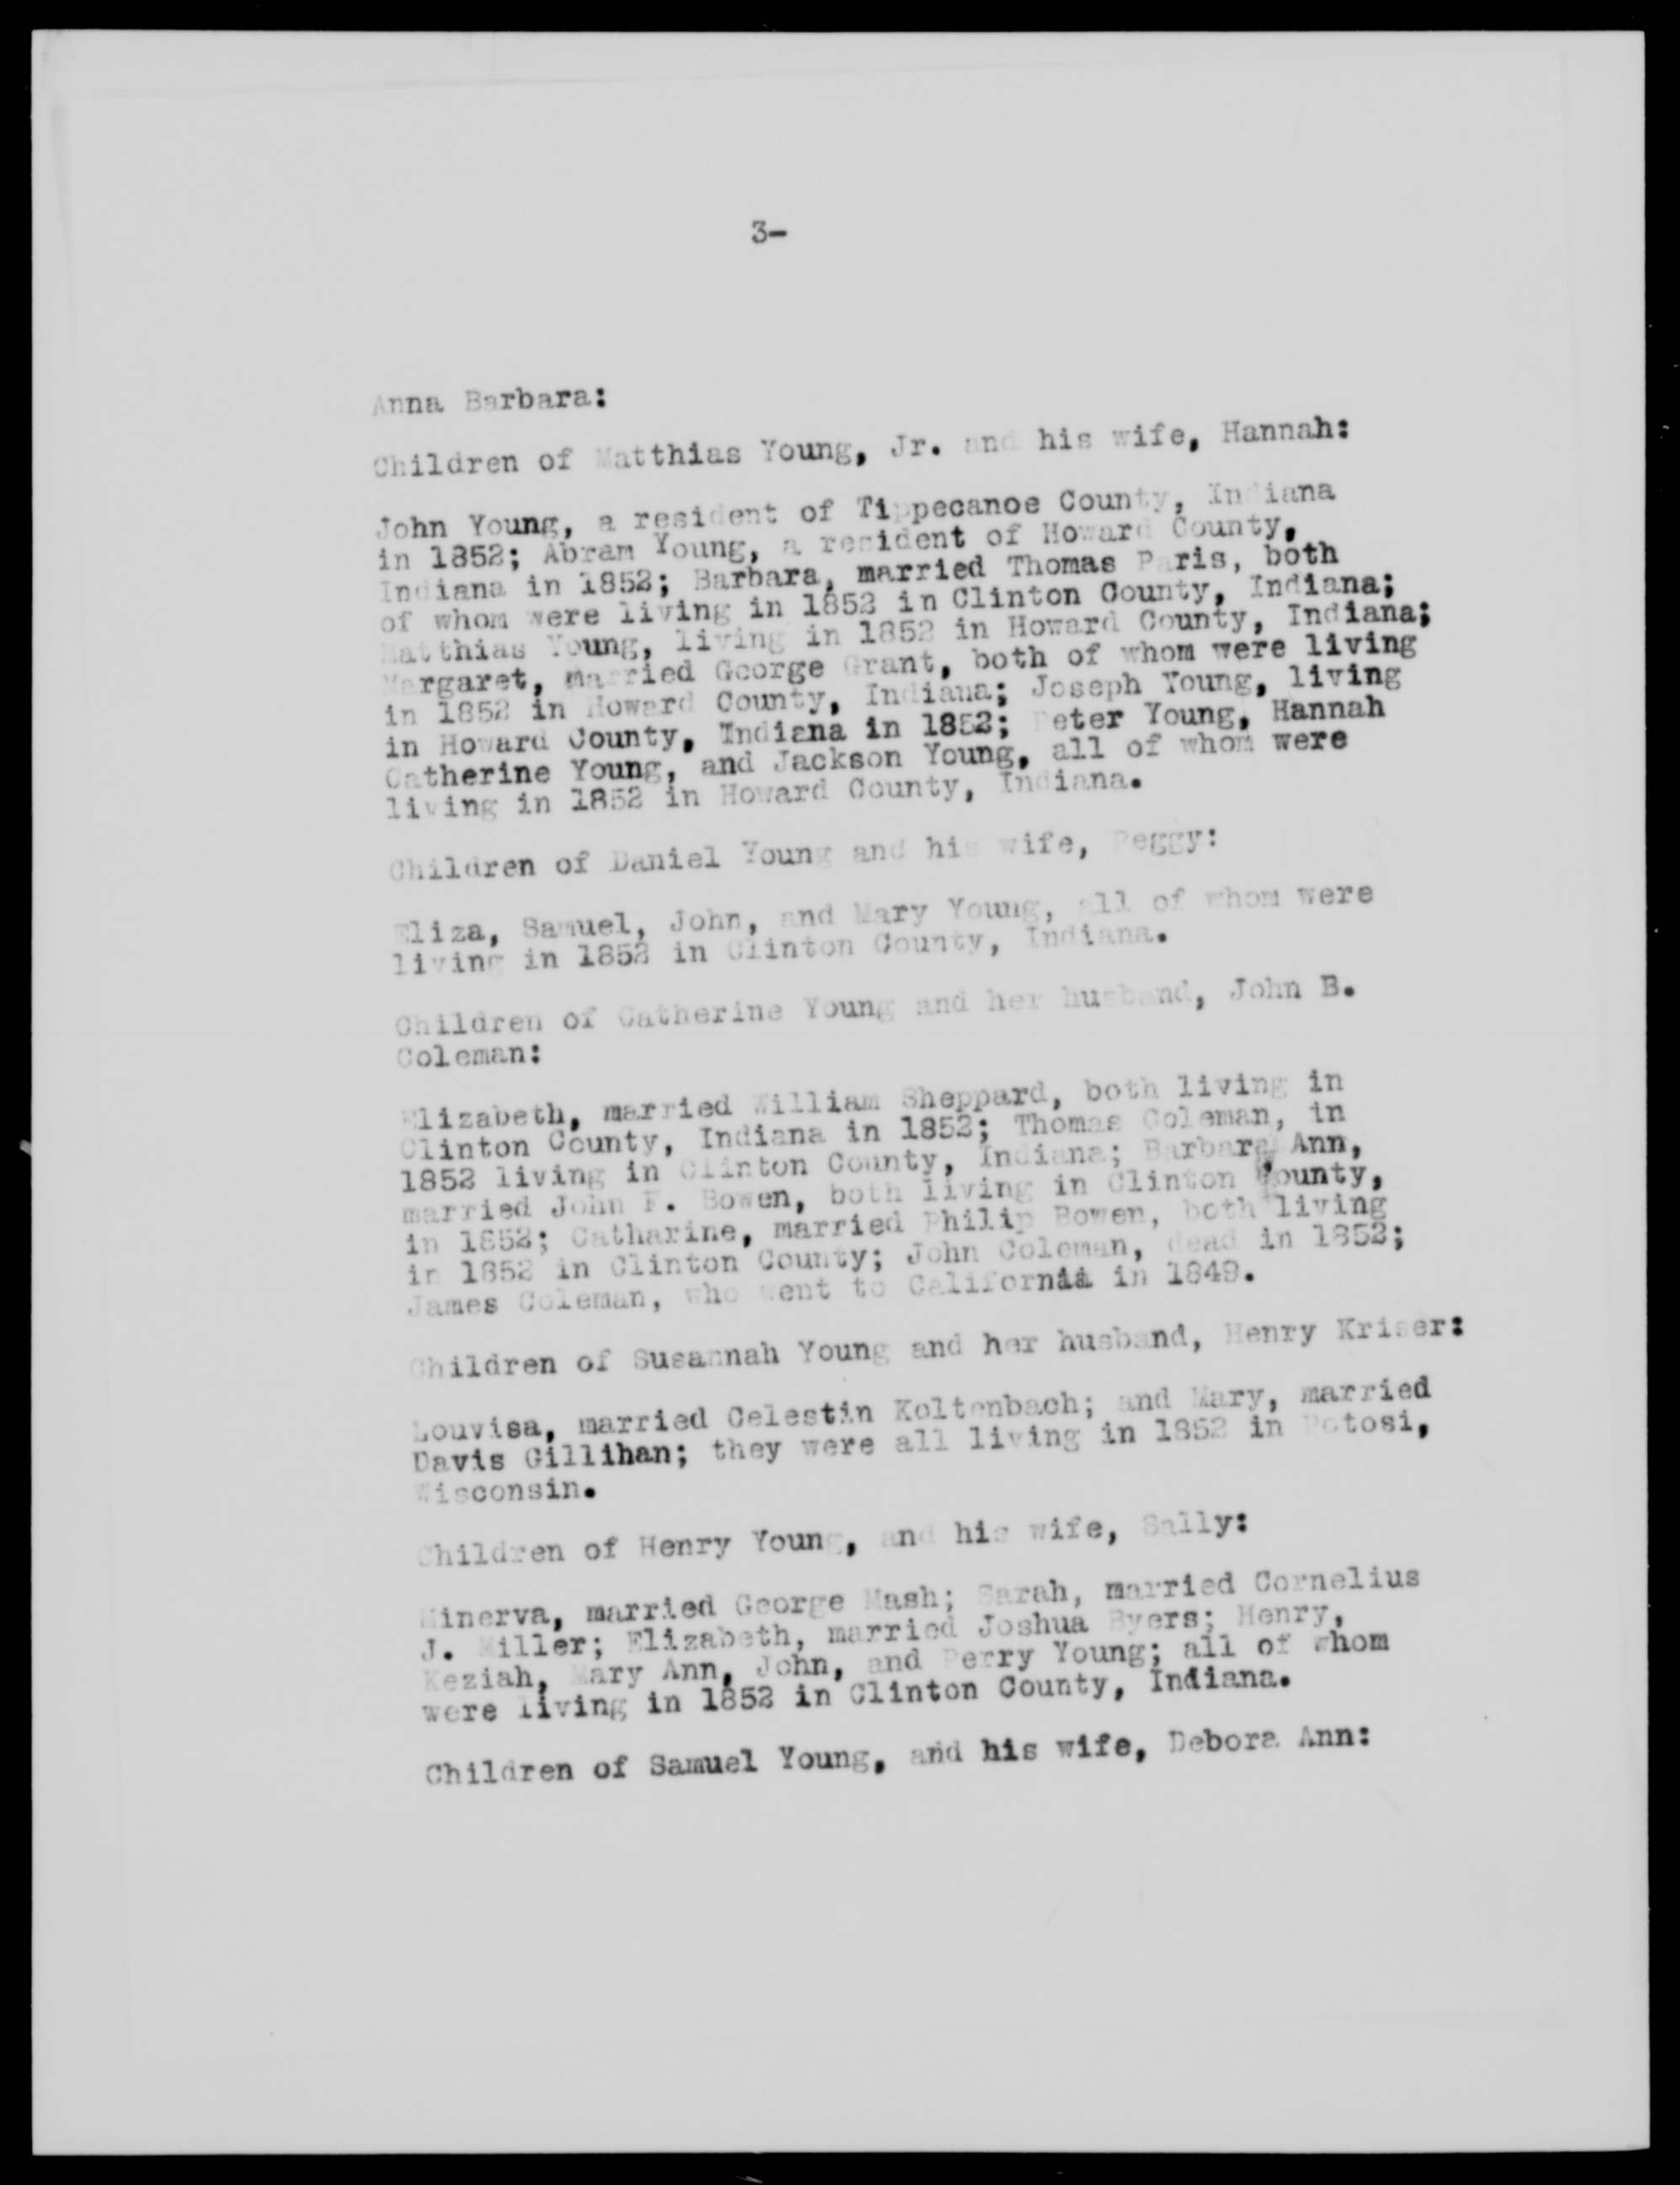3-
Anna Barbara:

Children of Matthias Young, Jr., and his wife,
Hannah: 
John Young, a resident of Tippecanoe County,
Indiana, in 1852; Abram Young, a resident of Howard County, Indiana, in 1852; Barbara, married Thomas Paris, both of whom were living in 1852, in Clinton County, Indiana, Matthias Young, living in 1852, in  Howard County, Indiana; Margaret, married George Grant, both of whom were living in 1852, in Howard County, Indiana; Joseph Young, living in Howard County, Indiana, in 1852; Peter Young, Hannah Catherine Young and Jackson Young, all of whom were living in 1852 in Howard County, Indiana.

Children of Daniel Young, and his wife, Peggy:
Eliza, Samuel, John, and Mary Young, all of whom
were living in 1852, in Clinton County, Indiana.

Children of Catherine Young, and her husband,
John B. Coleman-
Elizabeth, married William Sheppard, both living in Clinton County, Indiana in 1852; Thomas Coleman,  in 1852, living in  Clinton County; Barbara Ann, married John F. Bowen, both living in
Clinton County, in 1852; Catherine, married Philip Bowen, both living in 1852 in Clinton County, Indiana
John Coleman, dead in 1852; James Coleman, who went to California, in 1849.

Children of Susannah Young, and her husband,
Henry Kriser:
Louvisa, married Celestin Koltenbach; and Mary, married Davis Gillihan; they were all
living in 1852, in Potosi, Wisconsin;

Children of Henry Young, and his wife, Sally:
Minerva, married George Mash, Sarah, married Cornelius J. Miller, Elizabeth, married Joshua Byers, Henry, Keziah, Mary Ann, John, and Perry Young, all of whom were living in 1852 in Clinton County, Indiana.

Children of Samuel Young, and his wife, Debora
Ann:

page: 45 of 123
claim: rejected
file: R. 11,949, Matthias Young, Md.